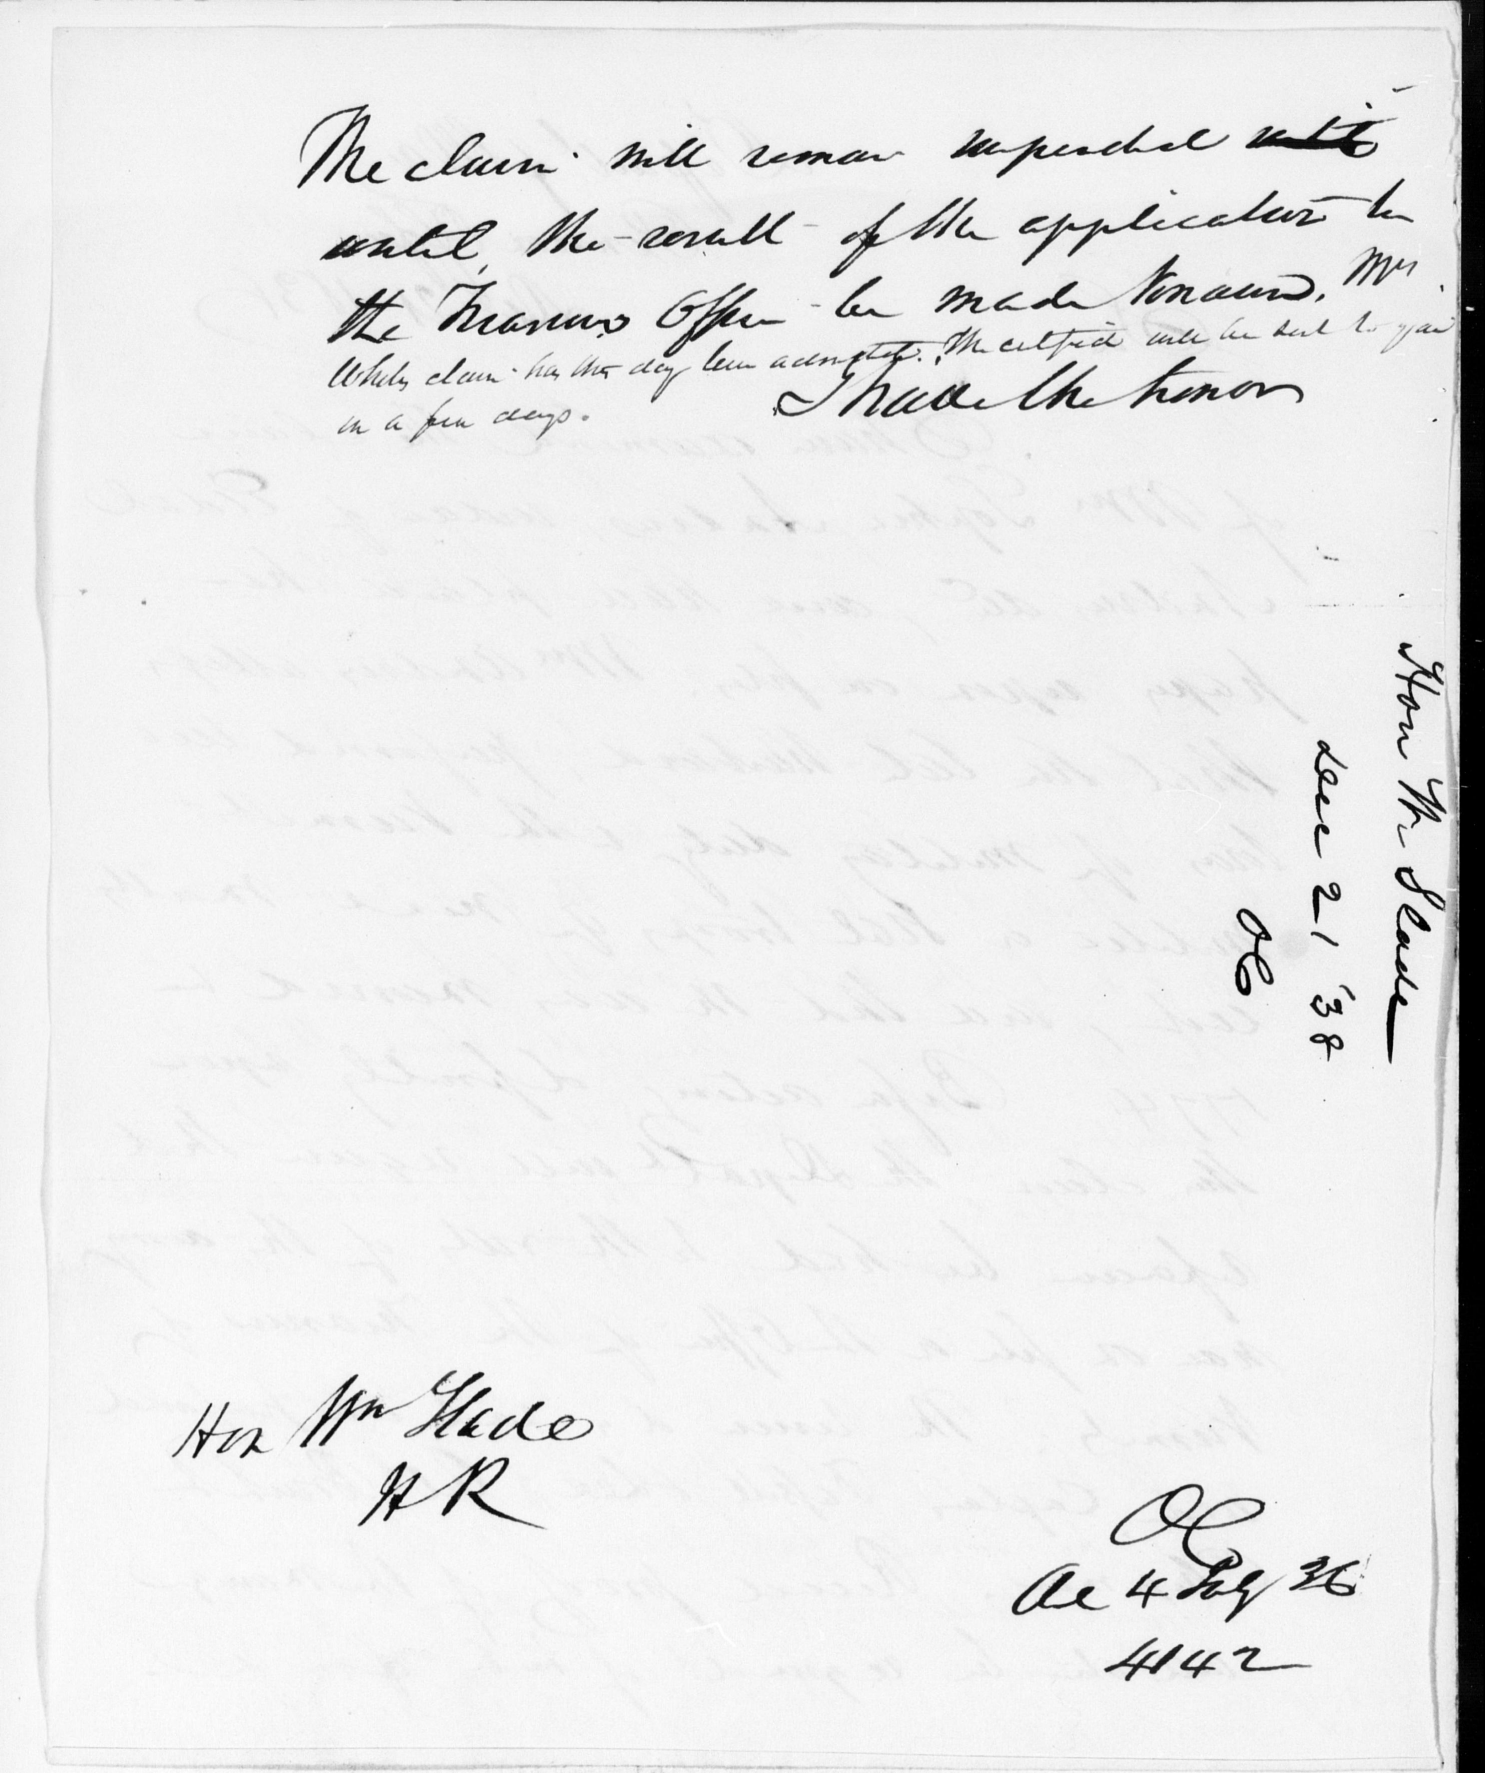The claim will remain suspended until
the service of the application in
the Marine office be made known Mr. White claim has the day been administer. She certified will be said to you  in a few days.
I had the honor                          
Hon W. Slide Dec. 21, 38 OC

Hon W. Wade HR

OC 
Ae 4 hg 36
4142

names: Wm Wade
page: 16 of 27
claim: rejected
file: R. 223, Eldad Andrus, Vt.